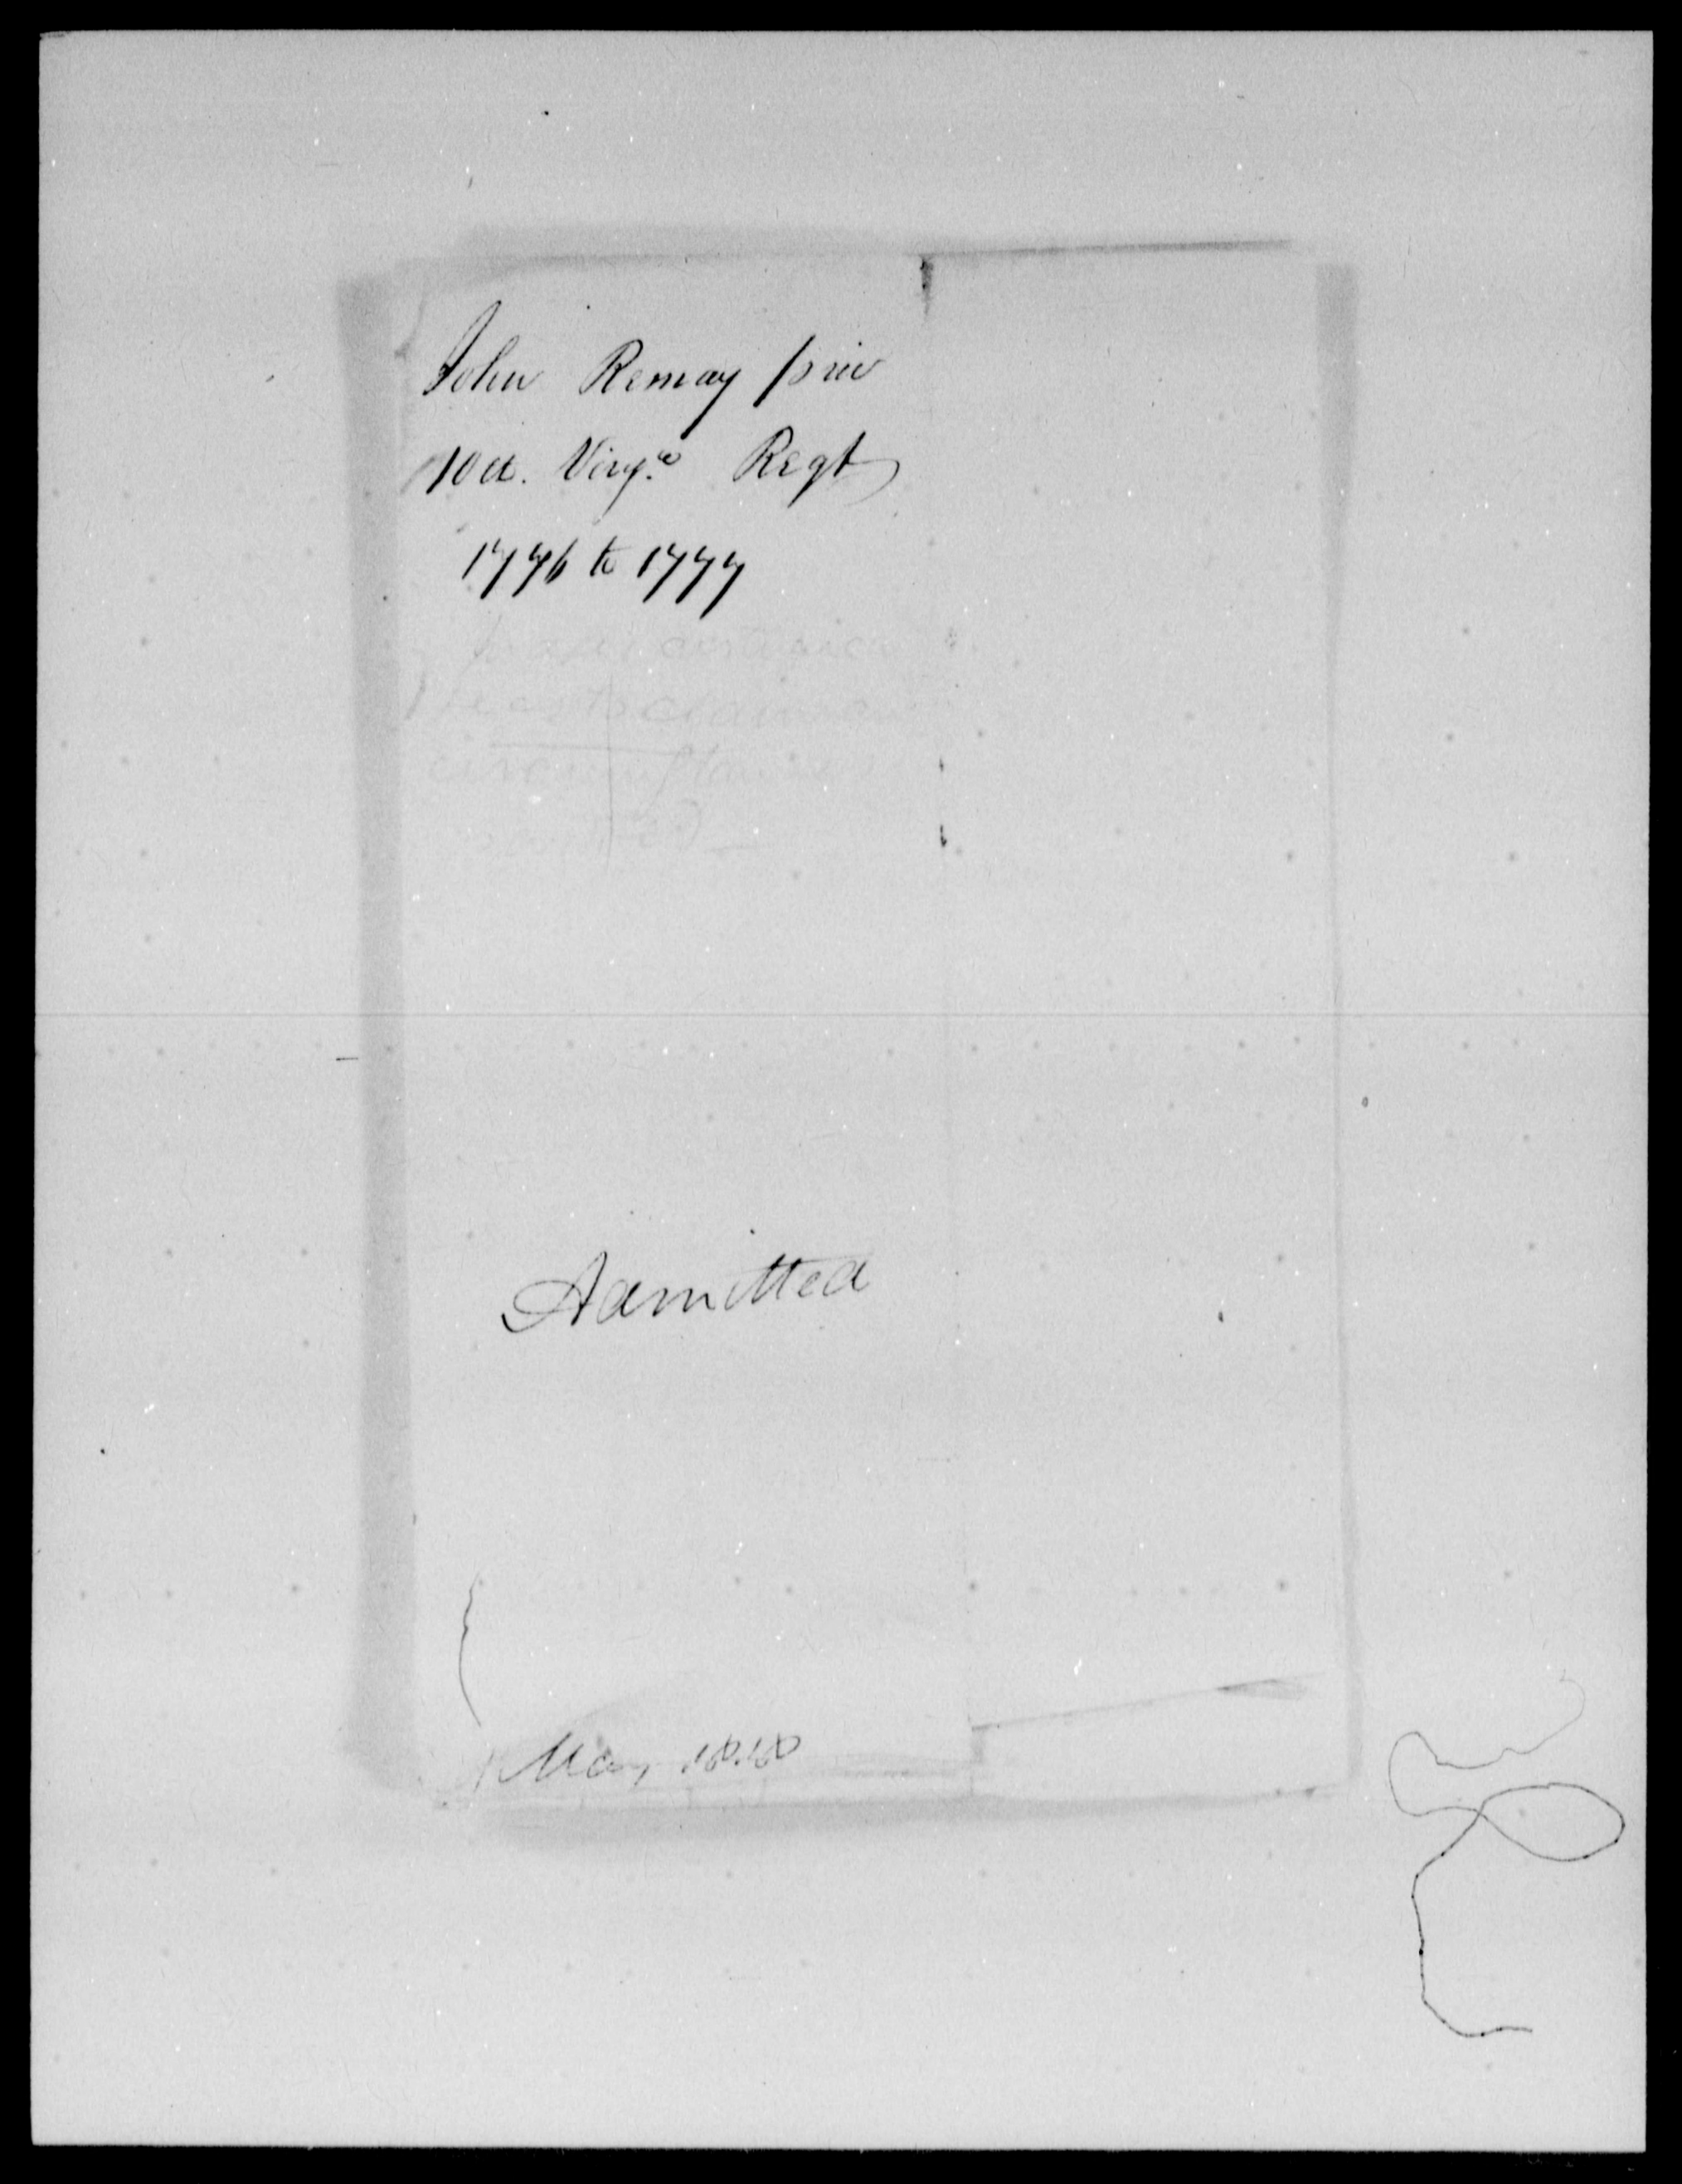John Remay priv
10th. Virga. Regt
1776 to 1777
Admitted
May 1818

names: John Remay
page: 5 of 84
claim: widow's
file: W.11104, for John Remay, Virginia